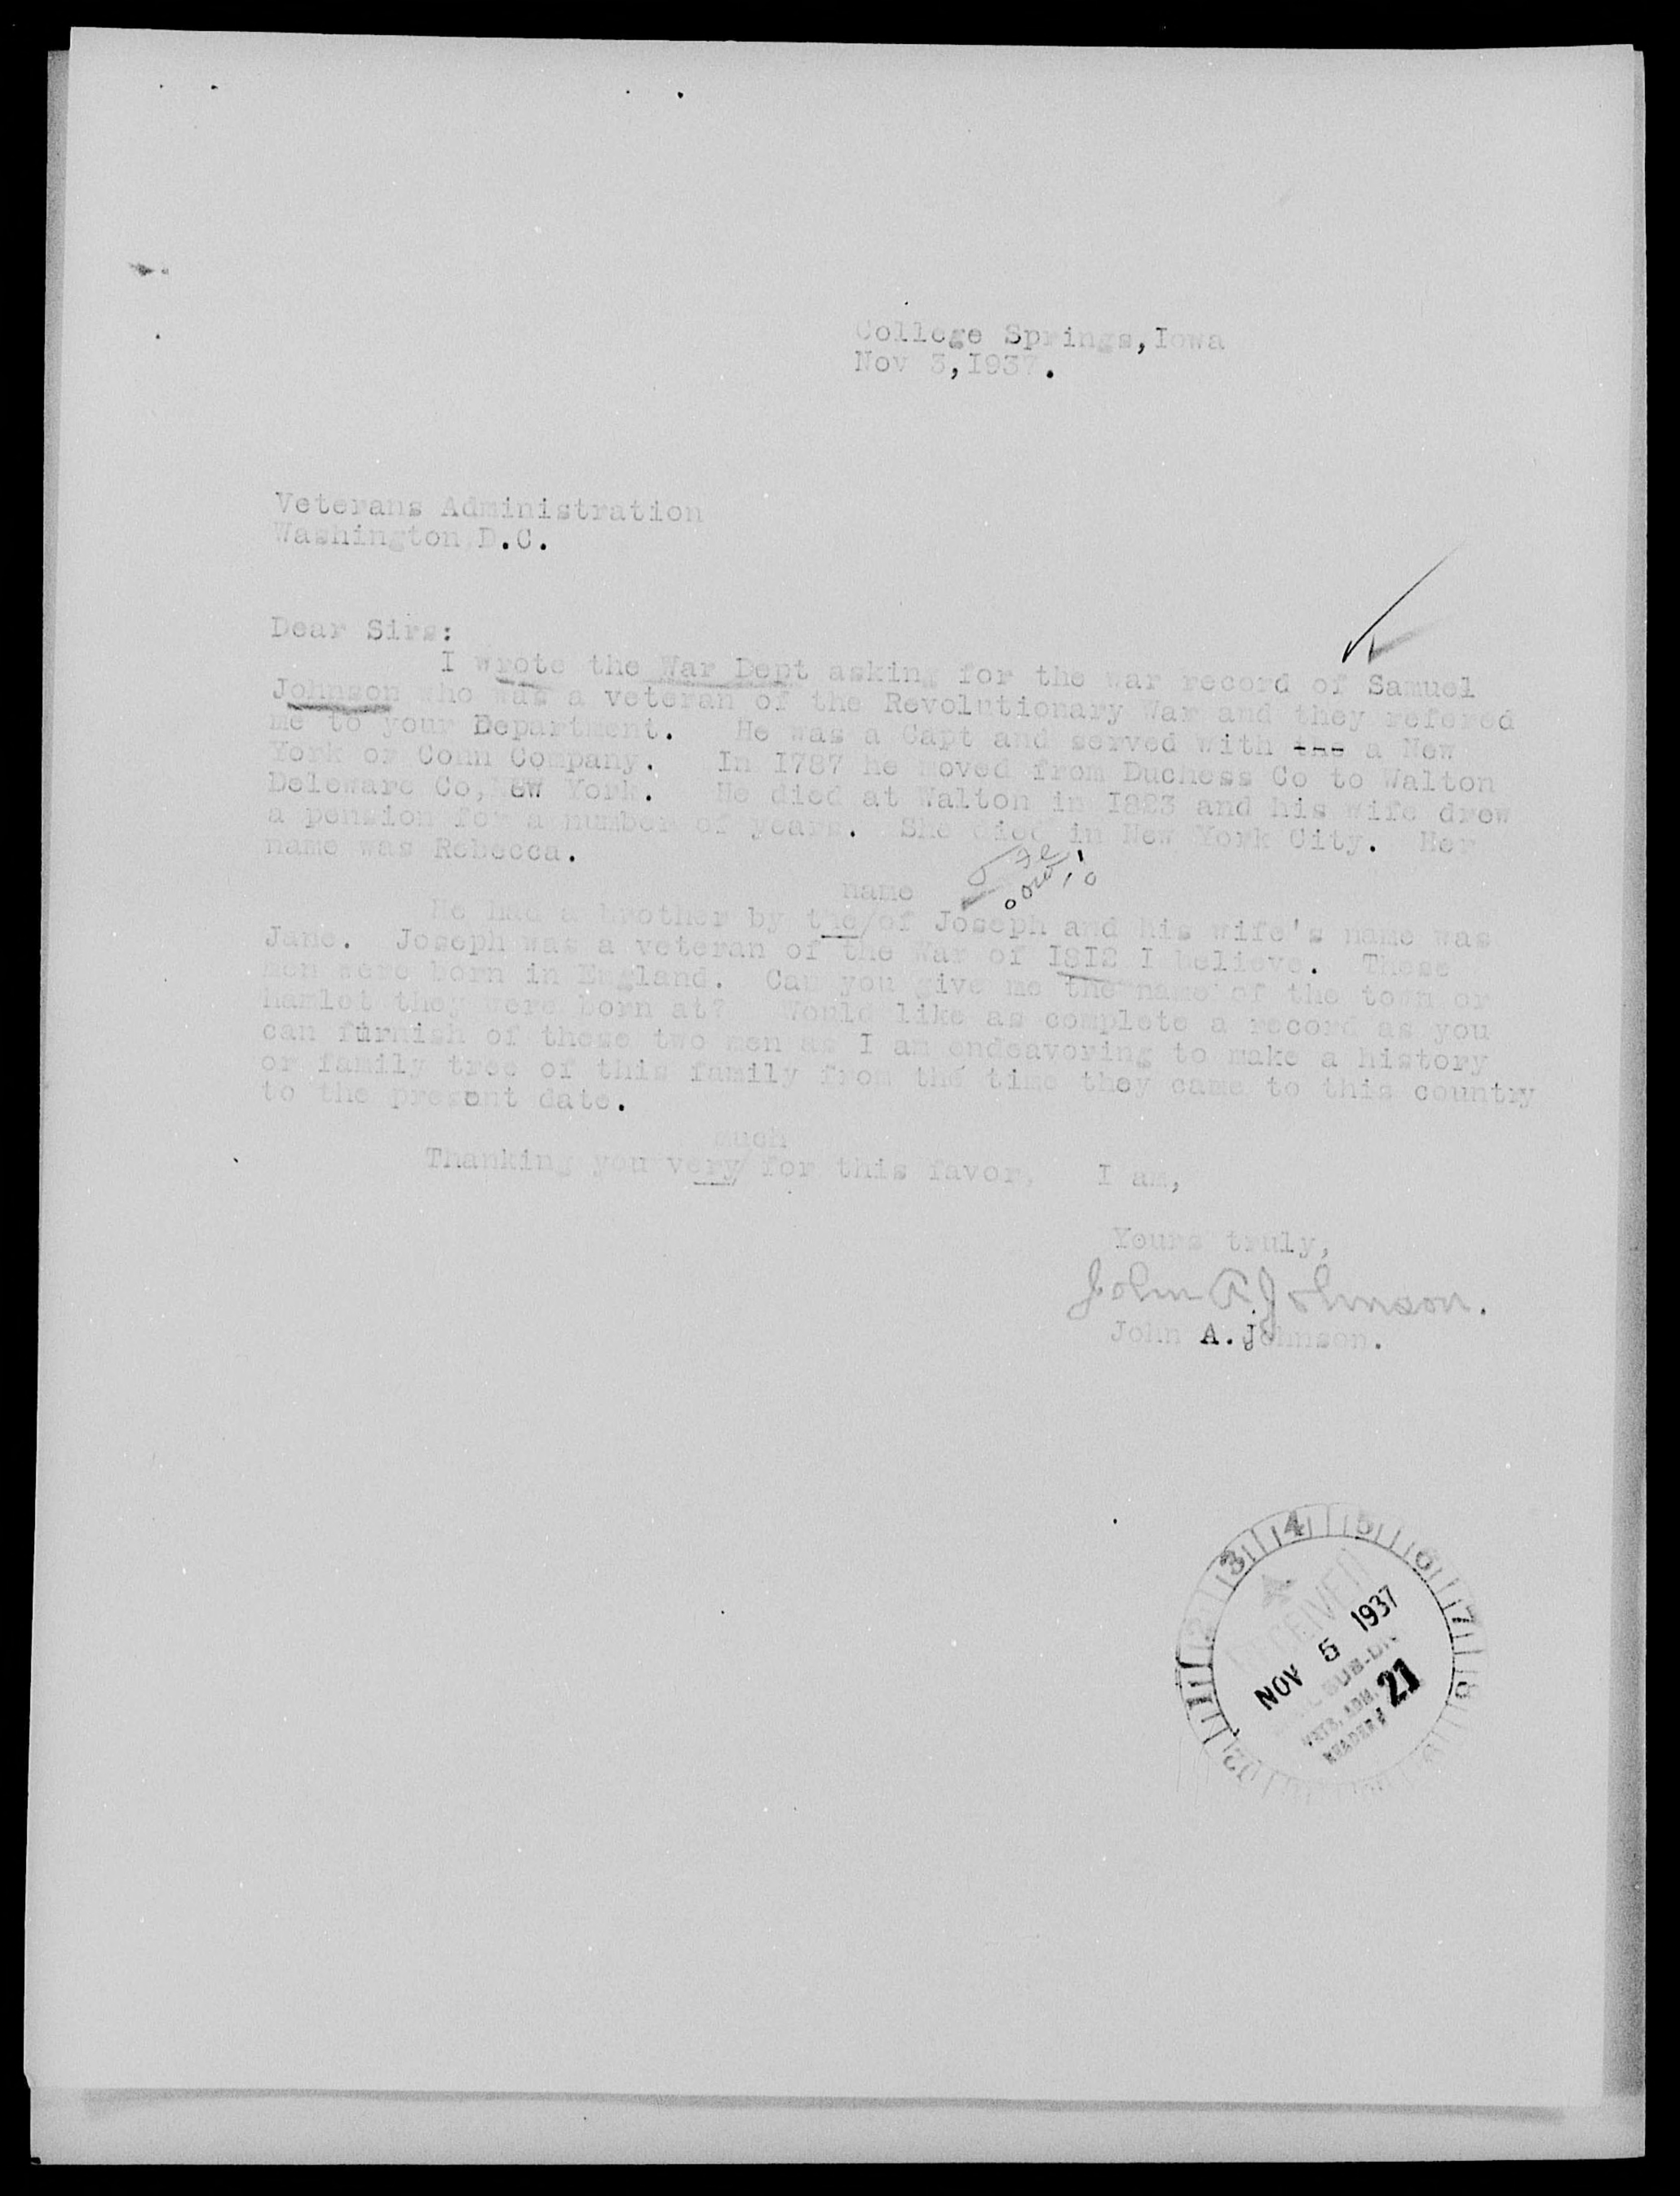College Springs, Iowa Nov. 3, 1937 
Veterans Administration 
Washington D.C. 
Dear Sirs: 
I wrote the War Dept asking for the war record of Samuel Johnson who was a veteran of the Revolutionary War and they referred me to your Department.   He was a Capt and served with the a New York or Conn Company.  In 1787 he moved from Duchess Co to Walton Delaware Co. New York.  He died at Walton in 1823 and his wife drew a pension for a number of years.  She died in New York City.  Her name was Rebecca.  
FFE OOO 
He had a brother by the name of Joseph and his wife’s name was Jane.  Joseph was a veteran of the War of 1812 I believe. These men were born in England. Can you give me the name of the town or hamlet where they were born at?  Would like a complete a record as you can furnish of these two men as I am endeavoring to make a history or family tree of this family from the time they came to this country to the present date. 
Thanking you very for this favor, I am, 
Yours truly, 
John A. Johnson 
John A. Johnson,
[stamp] RECEIVED NOV 5 1937 ADM SUB-DIV VETS ADM READER #21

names: Jane [BLANK]; John A Johnson; Joseph [BLANK]; Samuel Johnson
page: 42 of 43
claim: rejected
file: R. 5655, for Samuel Johnson, Connecticut